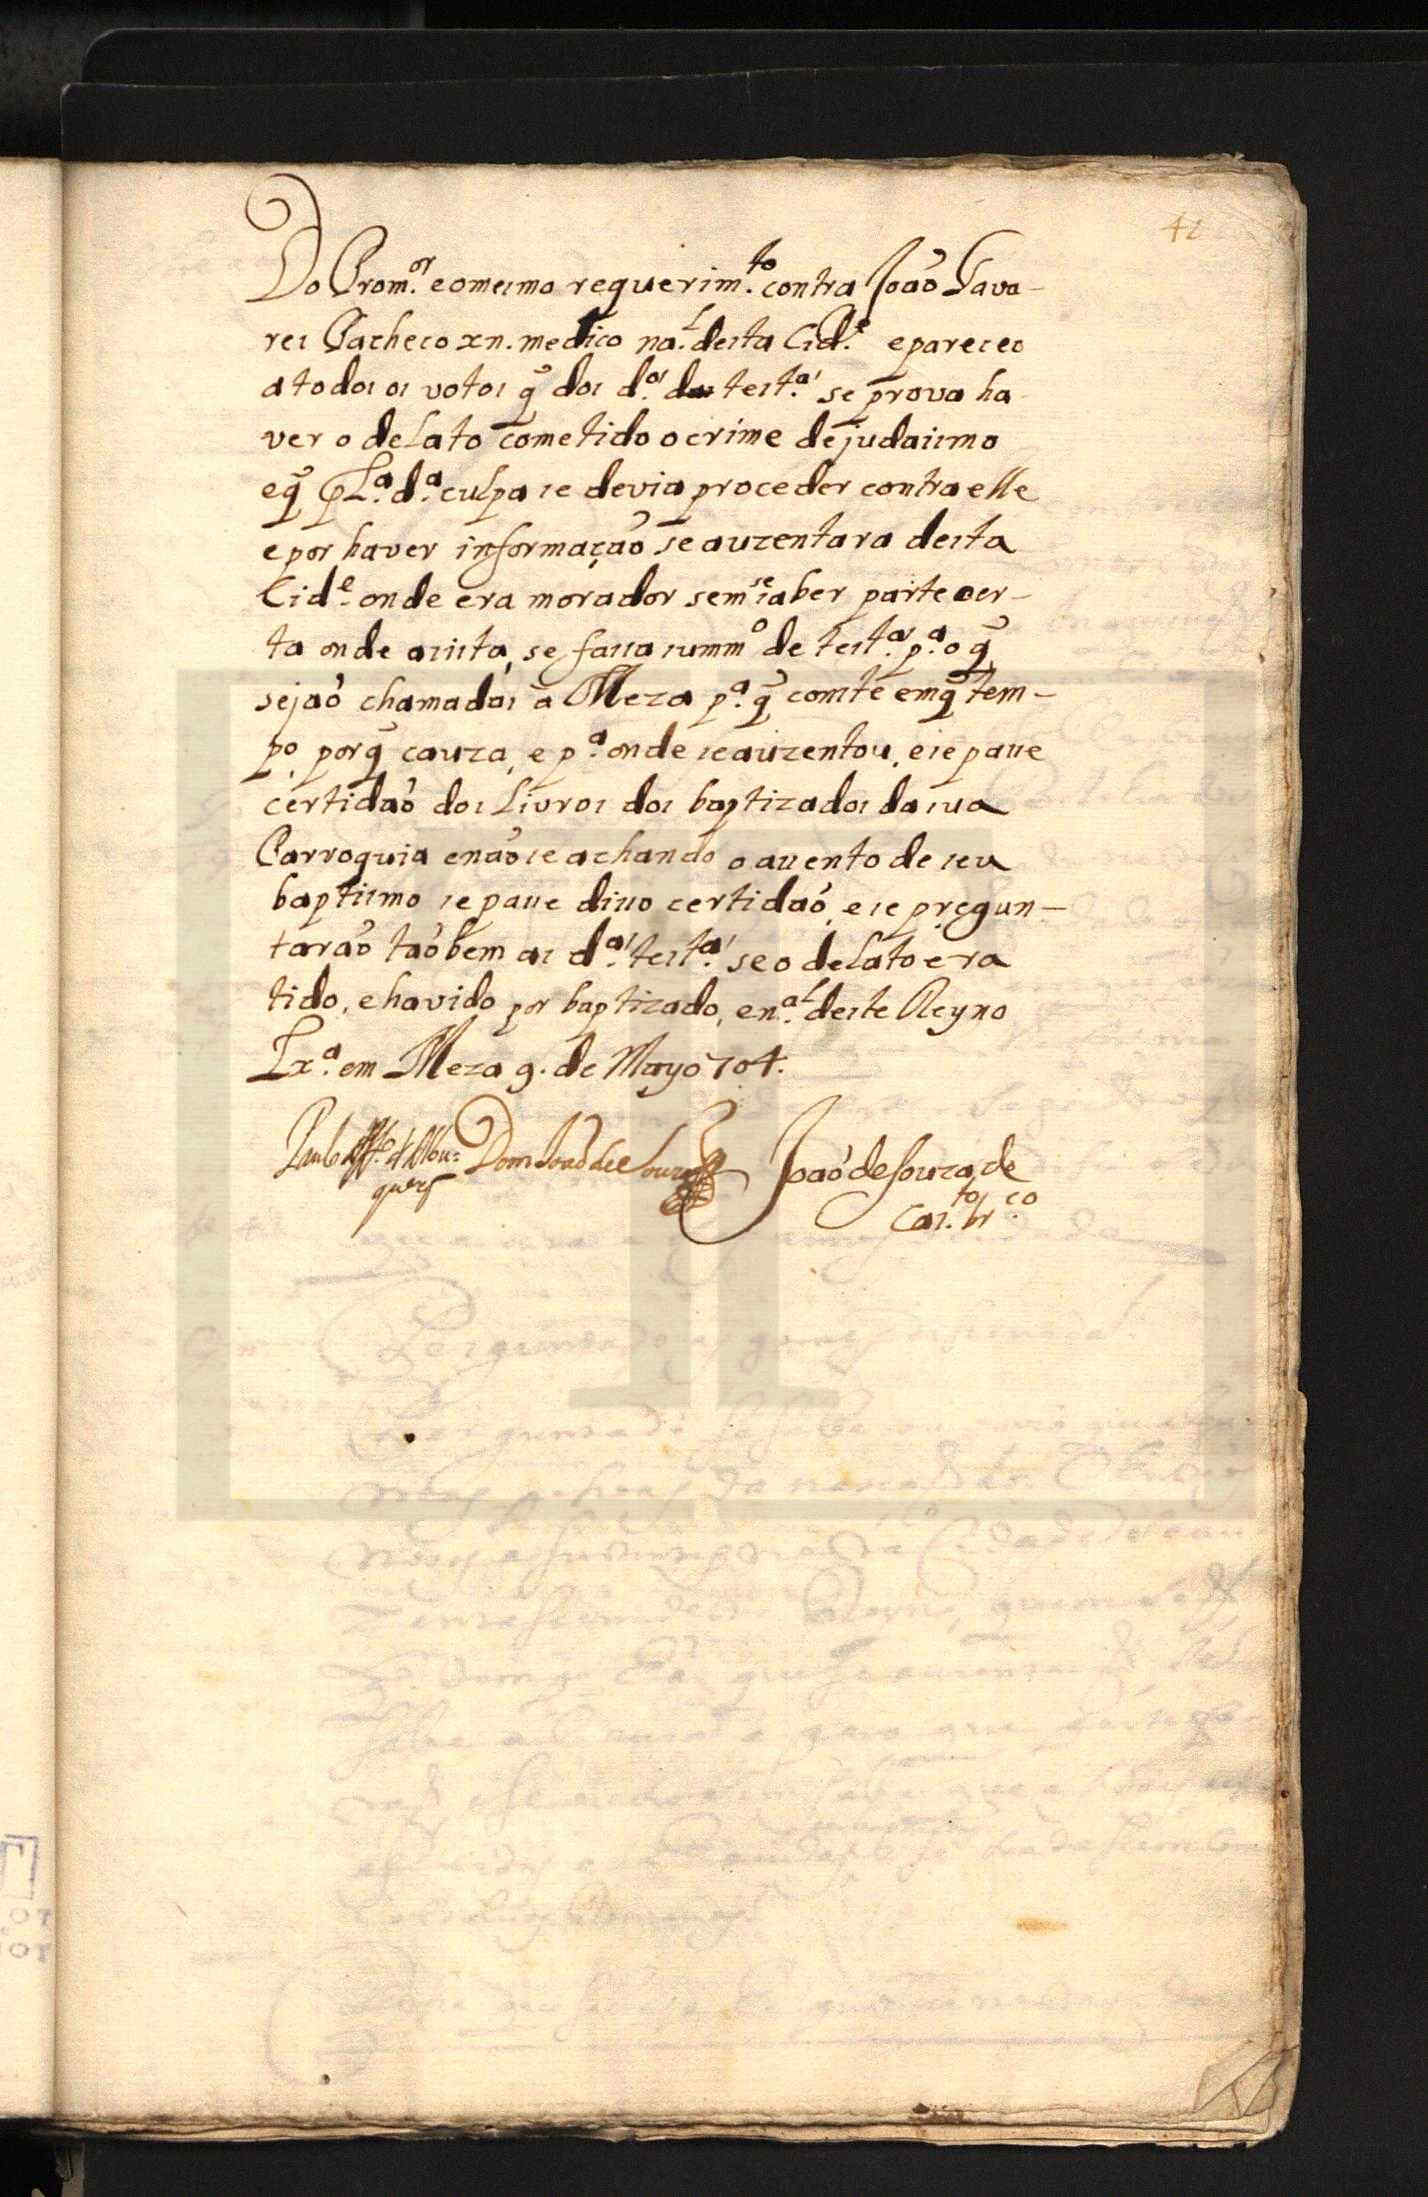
Do Prom.or e o mesmo requerim.to contra Joaõ Tava
res Pacheco xn. medico na.l desta Cid̄.e e pareceo
a todos os votos q̄ dos d.os das test.as se prova ha
ver o delato cometido o crime de judaismo
e q̄ pL.a d.a culpa se devia proceder contra elle
e por haver informaçaõ se auzentara desta
Cid.e onde era morador sem se saber parte cer
ta onde asista, se fassa summ.o de test.a p.a o q̄
sejaõ chamados à Meza p.a q̄ comte em q̄ tem
po, por q̄ cauza, e p.a onde se auzentou, e se passe
certidaõ dos Livros dos baptizados da sua
Parroquia e naõ se achando o assento de seu
baptismo se passe disso certidaõ, e se pregun
taraõ taõbem as d.as test.as se o delato era
tido, e havido por baptizado, e n.al deste Reyno
Lx.a em Meza 9. de Mayo 704.
Paulo Aff.o d̄ Albu
Dom Ioaõ de Souza
Joaõ de souza de
querq̄
cas.to br.co
